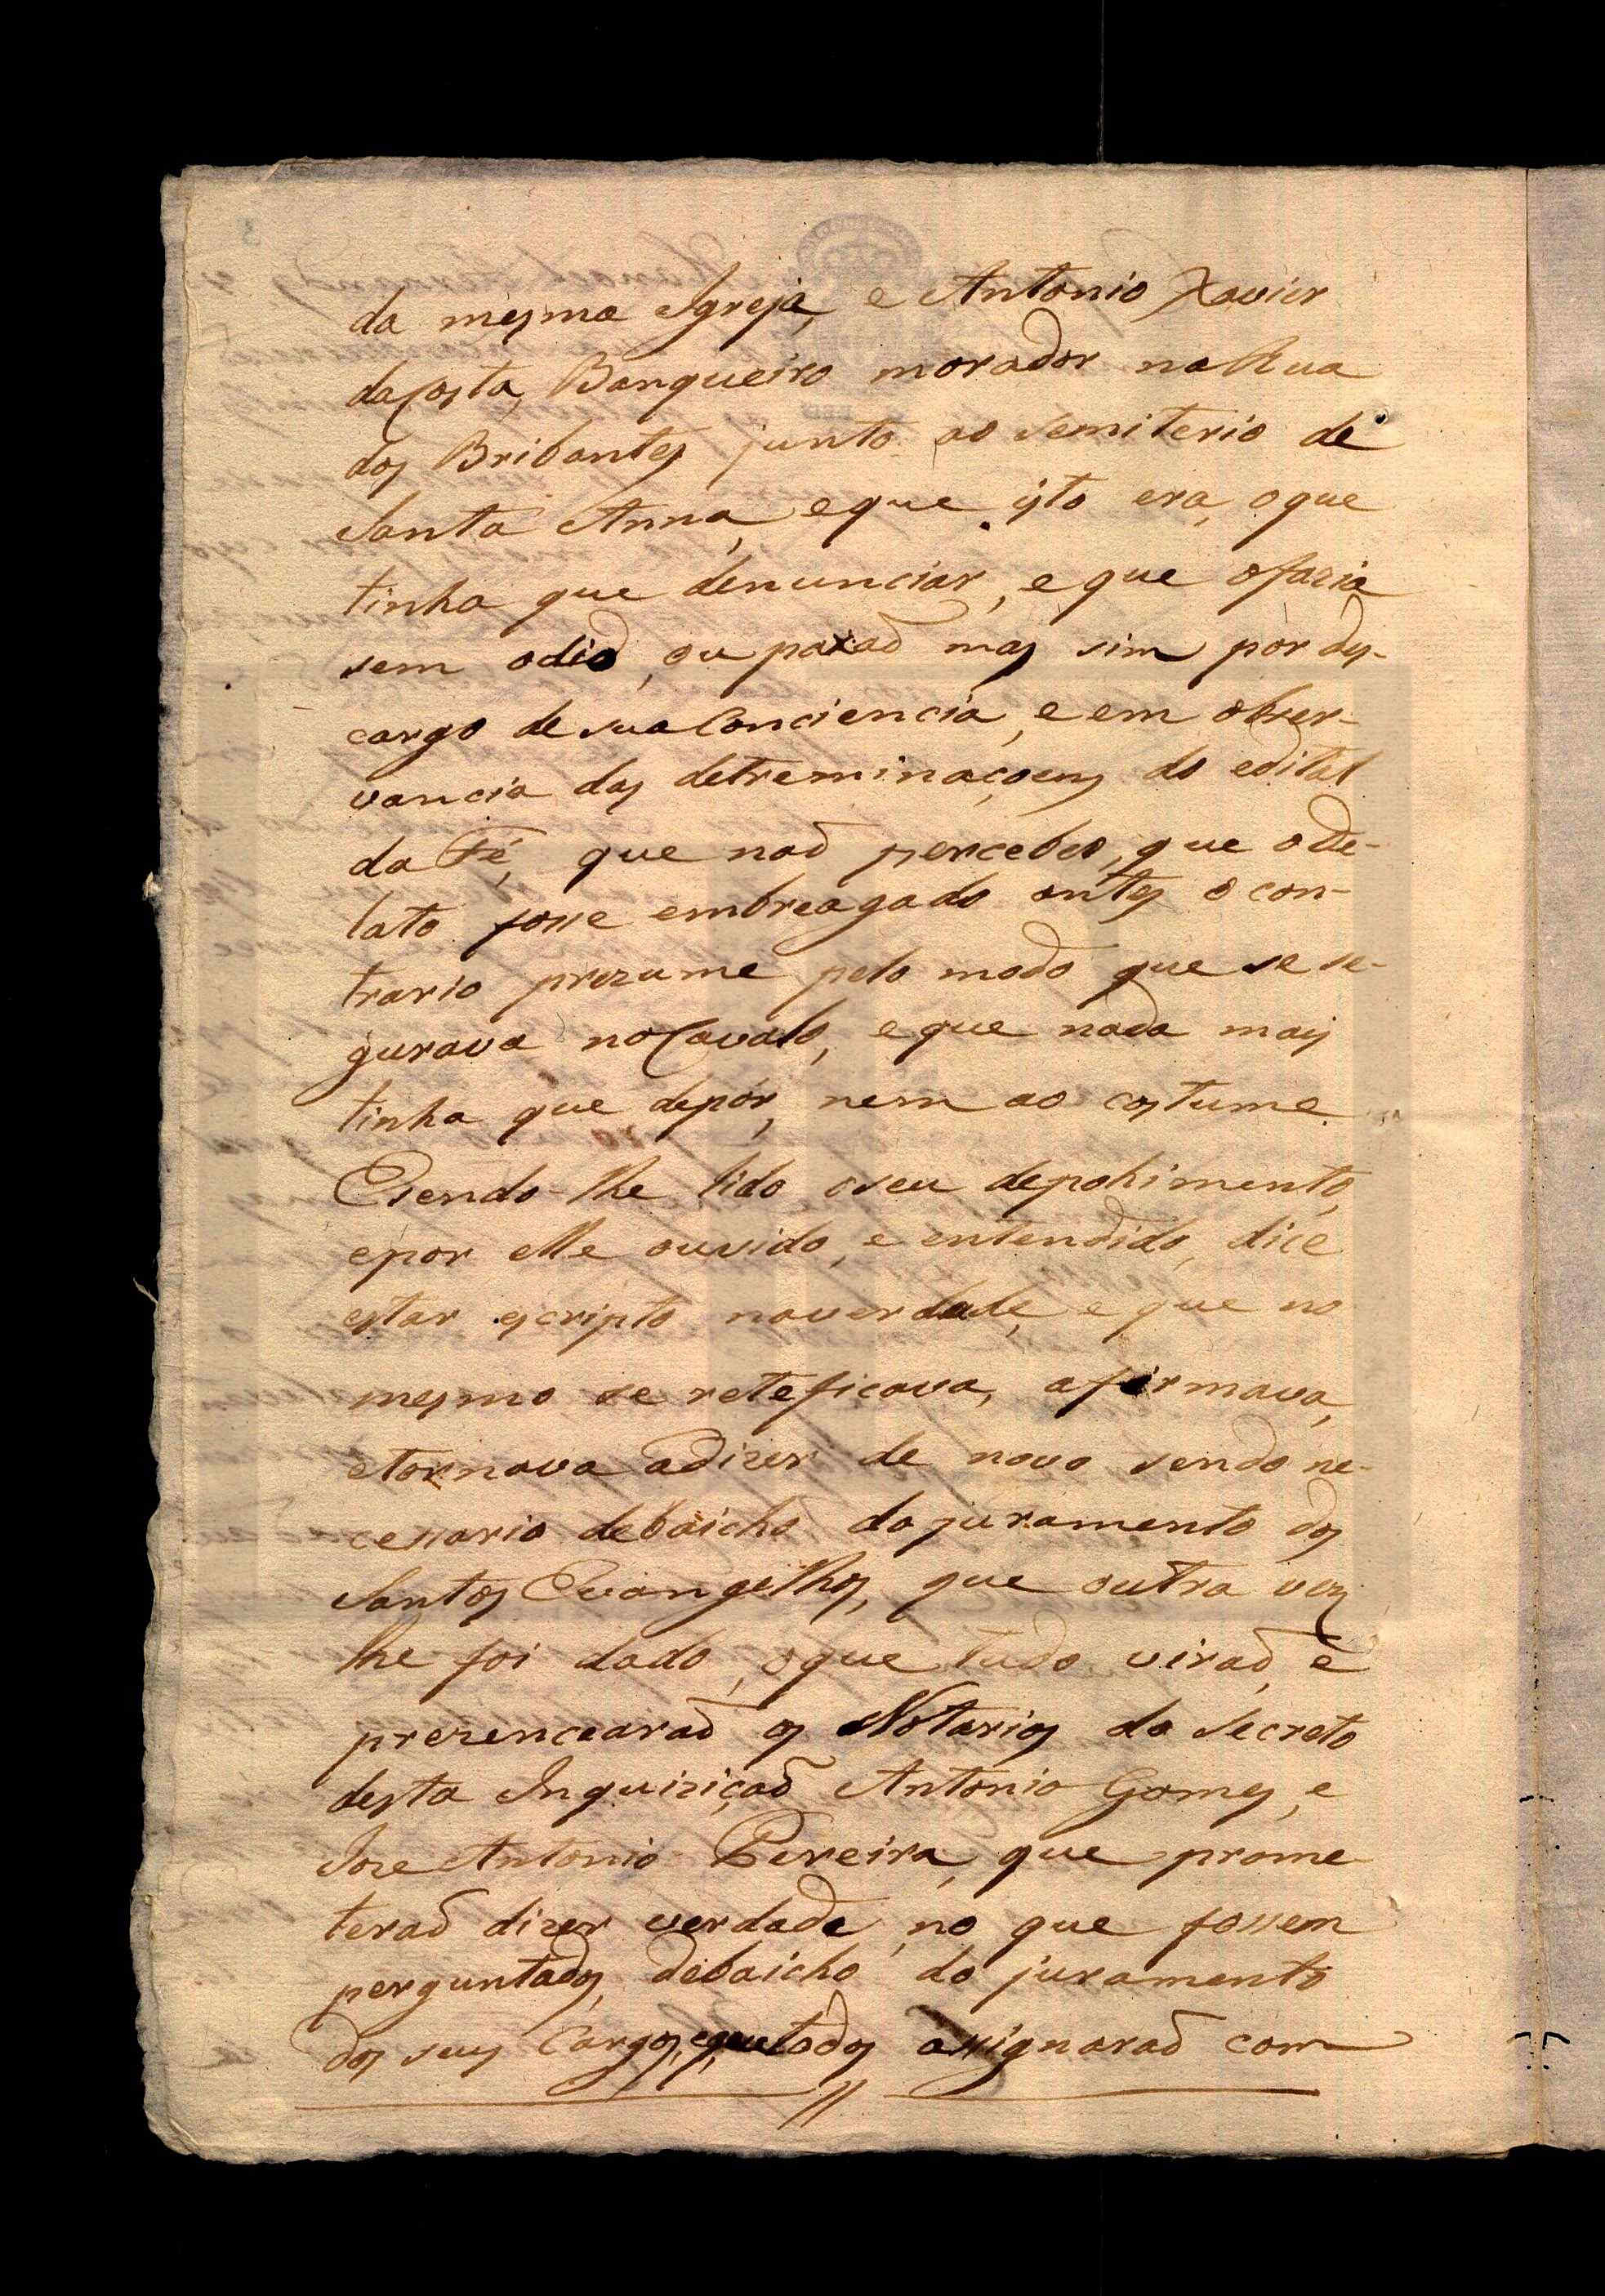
da mesma Igreja, e Antonio Xavier
da Costa, Banqueiro morador na Rua
dos Bribantes junto ao semiterio de
Santa Anna, e que isto era, o que
tinha que denunciar, e que o fazia
sem odio, ou paxaõ mas sim por des
cargo de sua conciencia, e em obser
vancia das detreminaçoens do edital
da Fé, que naõ percebeo, que o de
lato fosse embreagado antes o con
trario prezume pelo modo que se se
gurava no Cavalo, e que nada mais
tinha que depór, nem ao costume
E sendo-lhe lido o seu depohimento,
e por elle ouvido, e entendido dice
estar escripto na verdade, e que no
mesmo se reteficava, afirmava
e tornava a dizer de novo sendo ne
cessario debaicho do juramento dos
Santos Euangelhos, que outra vez
lhe foi dado, o que tudo viraõ, e
prezencearaõ os Notarios do secreto
desta Inquiziçaõ Antonio Gomes, e
Ioze Antonio Pereira, que prome
teraõ dizer verdade no que fossem
perguntados, debaicho do juramento
dos seus Cargos, e que todos assignaraõ com
